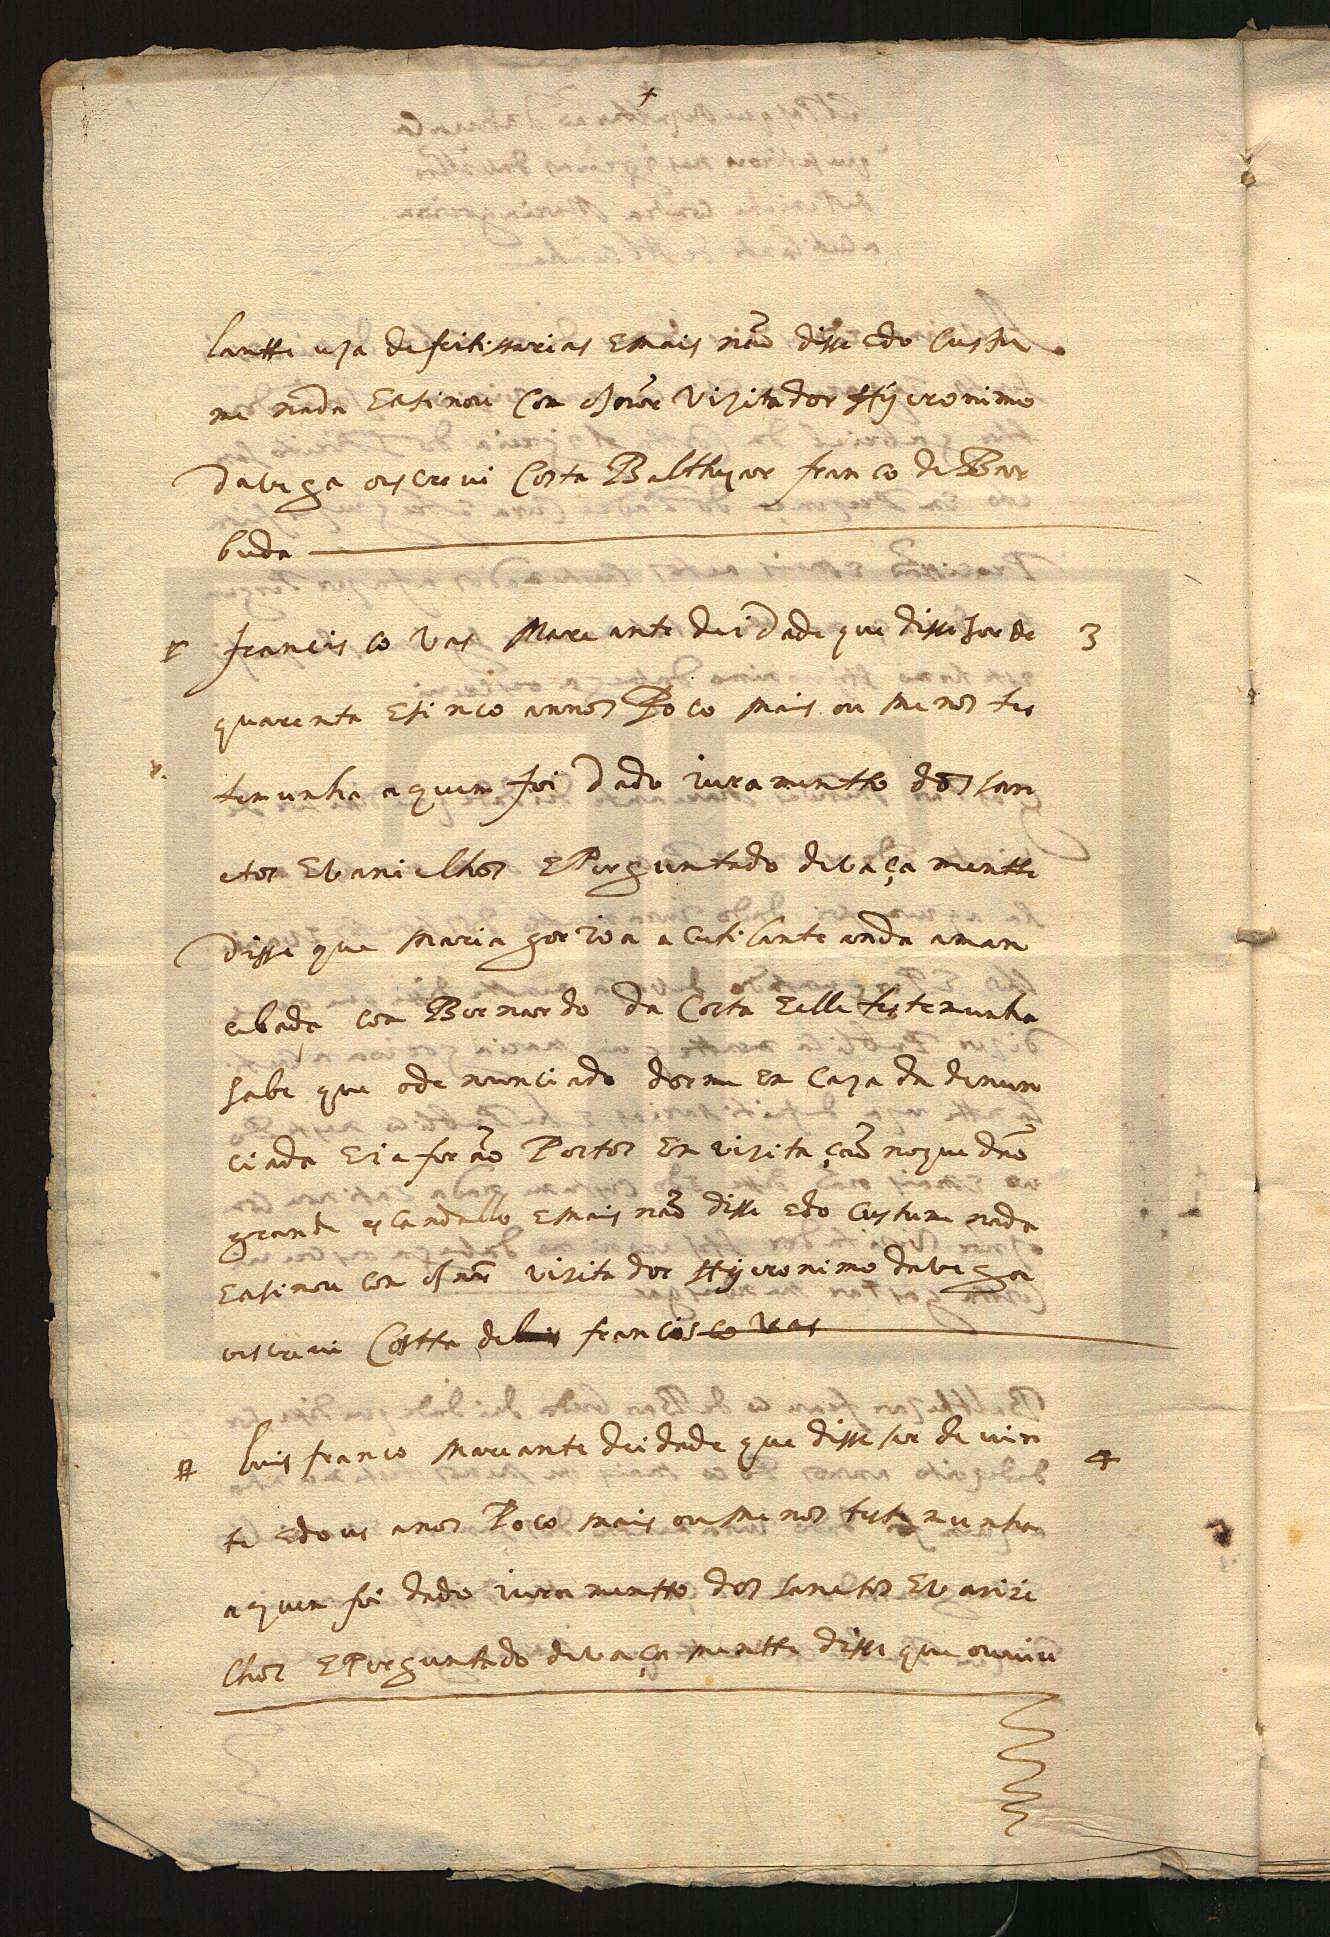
lantte uza de feitissarias E mais não disse do custu
me nada E asinou com o Snōr Vizitador Hyeronimo
da vega o escreui Costa Balthezar franco de Ba
buda
item francisco Vas Mareante de idade que disse ser de
quarenta E sinco annos poco mais ou menos tes
temunha a quem foi dado iuramentto dos san
ctos Evanielhos E Perguntado devaçamentte
disse que Maria gorioa a cutilante anda aman
cebado com Bernardo da Costa E elle testemunha
sabe que o denunciado dorme Em caza da denun
ciada E ia forão Postos Em vizitação no que dão
grande escandallo E mais não disse E do custume nada
E asinou con o Snōr vizitador Hyeronimo da vega
o escreui Costta de luis francisco vas
item luis franco Mareante de idade que disse ser de uin
te E dous anos Poco mais ou menos testemunha
a quem foi dado iuramentto dos sanctos Evanie
lhos E Perguntado devaçamentte disse que ouuiu
